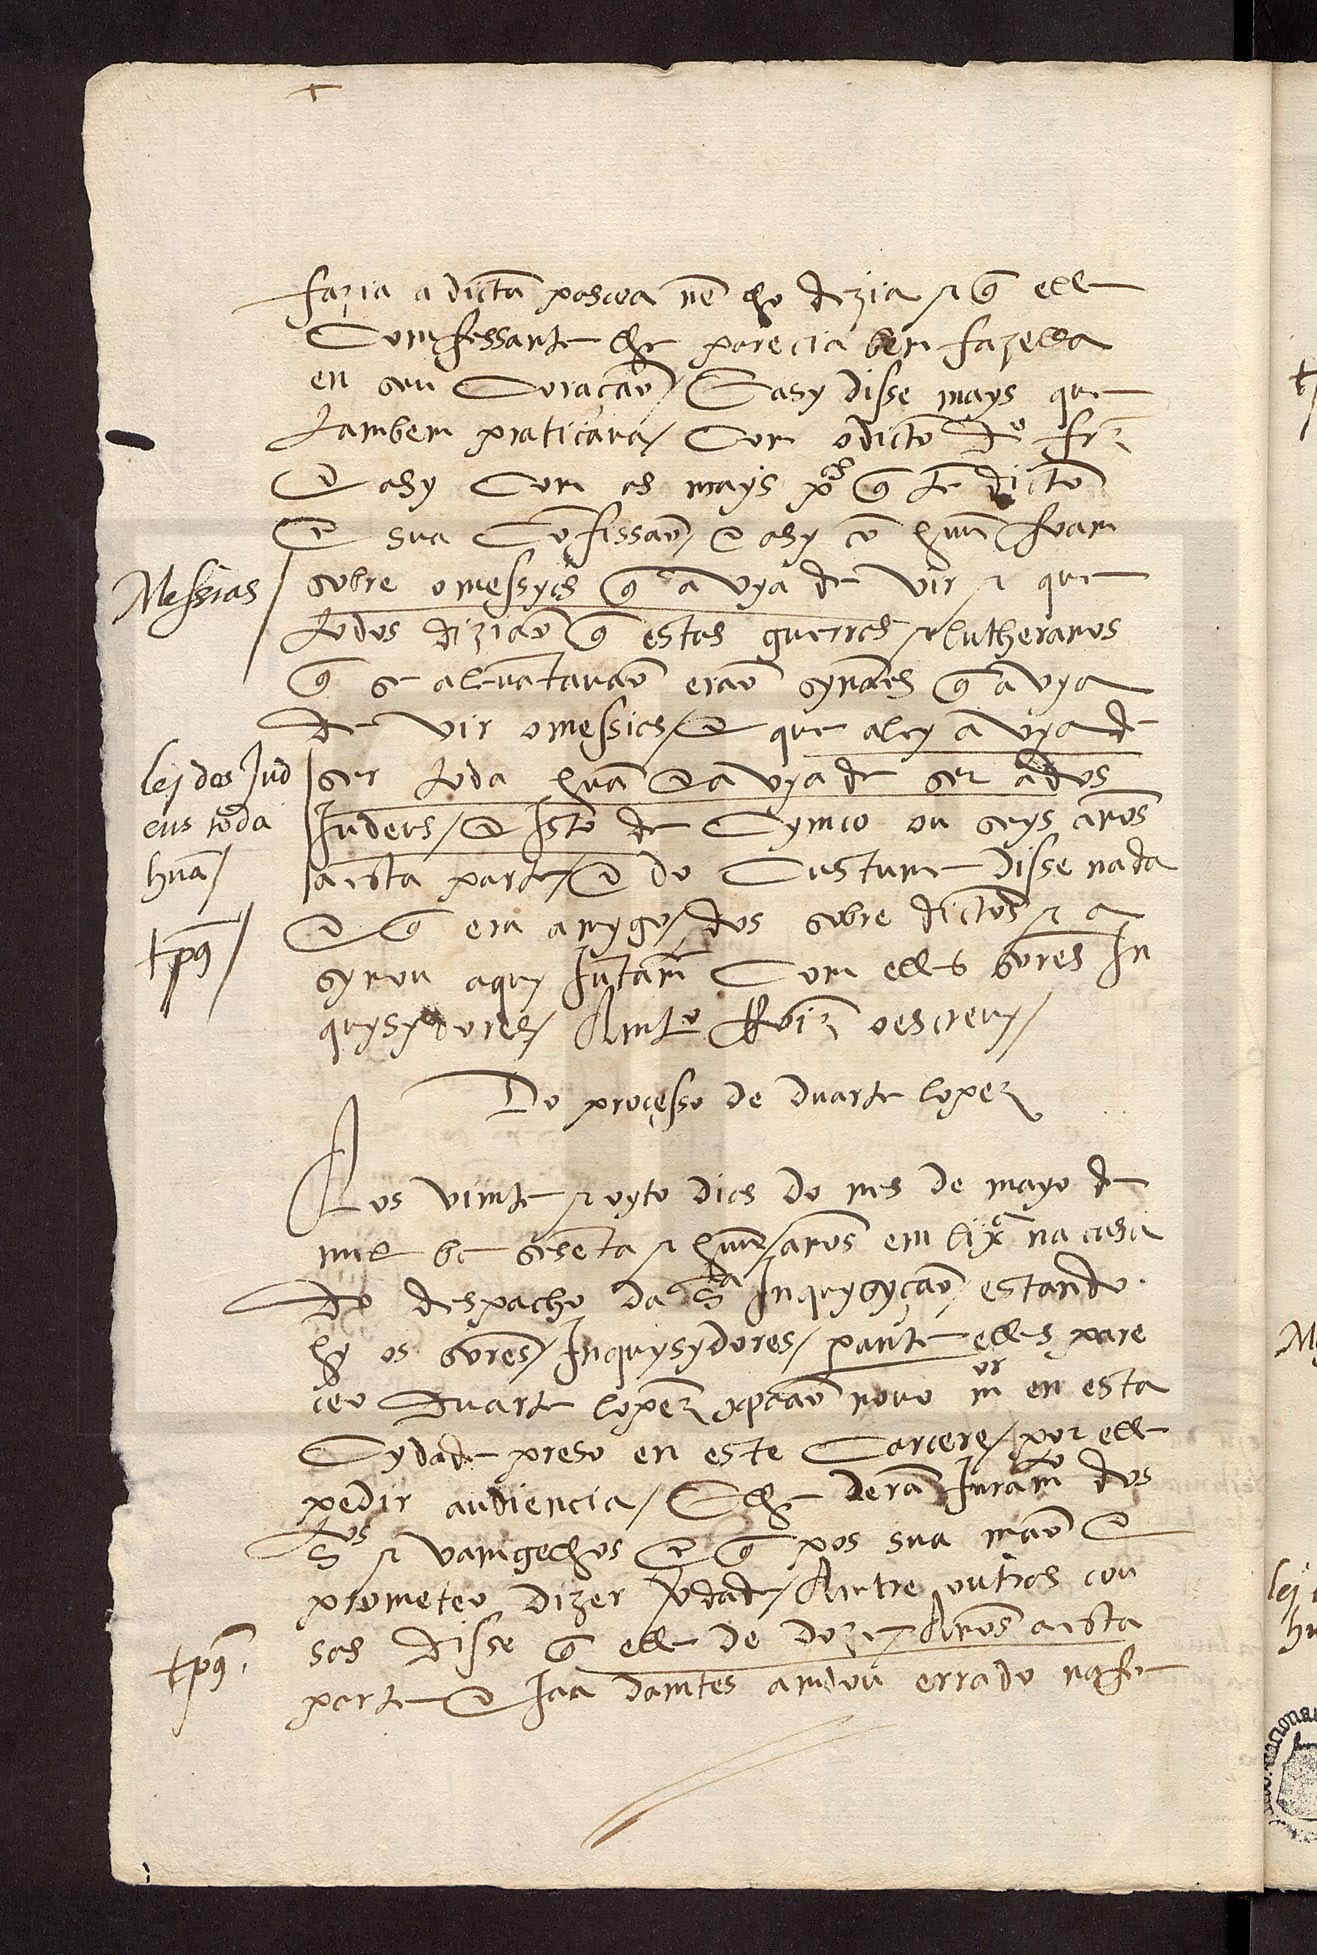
fazia a dic̄ta pascoa n̄e lho dezia e q̄ elle
Comfessante lhe parecia bem fazella
en seu Coração / E asy disse mays que
tambem praticaua / Com o dict̄o do frz̄
E asy Com as mays pas q̄ tē dict̄o
ē sua Cōfissaõ / e asy c̄o huū foam
sobre o messyas q̄ avya de vir e que
todos diziaõ q̄ estas guerras e lutheranos
q̄ se aleuātauaõ eraõ synāes q̄ avya
de vir o messias / e que a ley avya de
ser toda huā e avya de ser a dos
Judeus / e Jsto de Cymco ou seys an̄os
a esta parte /e do Custume disse nada
e q̄ era amygo / dos sobre dīctos e a
synou aquy Jūtamte Com elles s̄ores Jn
quysydores / Amto Rōiz o escreuy /
Do processo de duarte lopez
Aos vimte e oyto dias do mes de mayo de
mil bc sesēta e hūu an̄os em lixa na casa
Do despacho da Sta Jnquysyção / estando.
hy os sōres / Jnquysydores / ꝑante elles pare
ceo Duarte lop̄ez xpaão nouo mor em esta
Cydade preso en este Carcere / por elle
pedir audiencia / E lhe derā Juramto dos
Stos evamgelhos ē q̄ pos sua mão e
prometeo dizer ꝟdade / Amtre outras cou
sas Disse q̄ elle de doze An̄os a esta
parte e Jaa damtes amdou errado na fe
